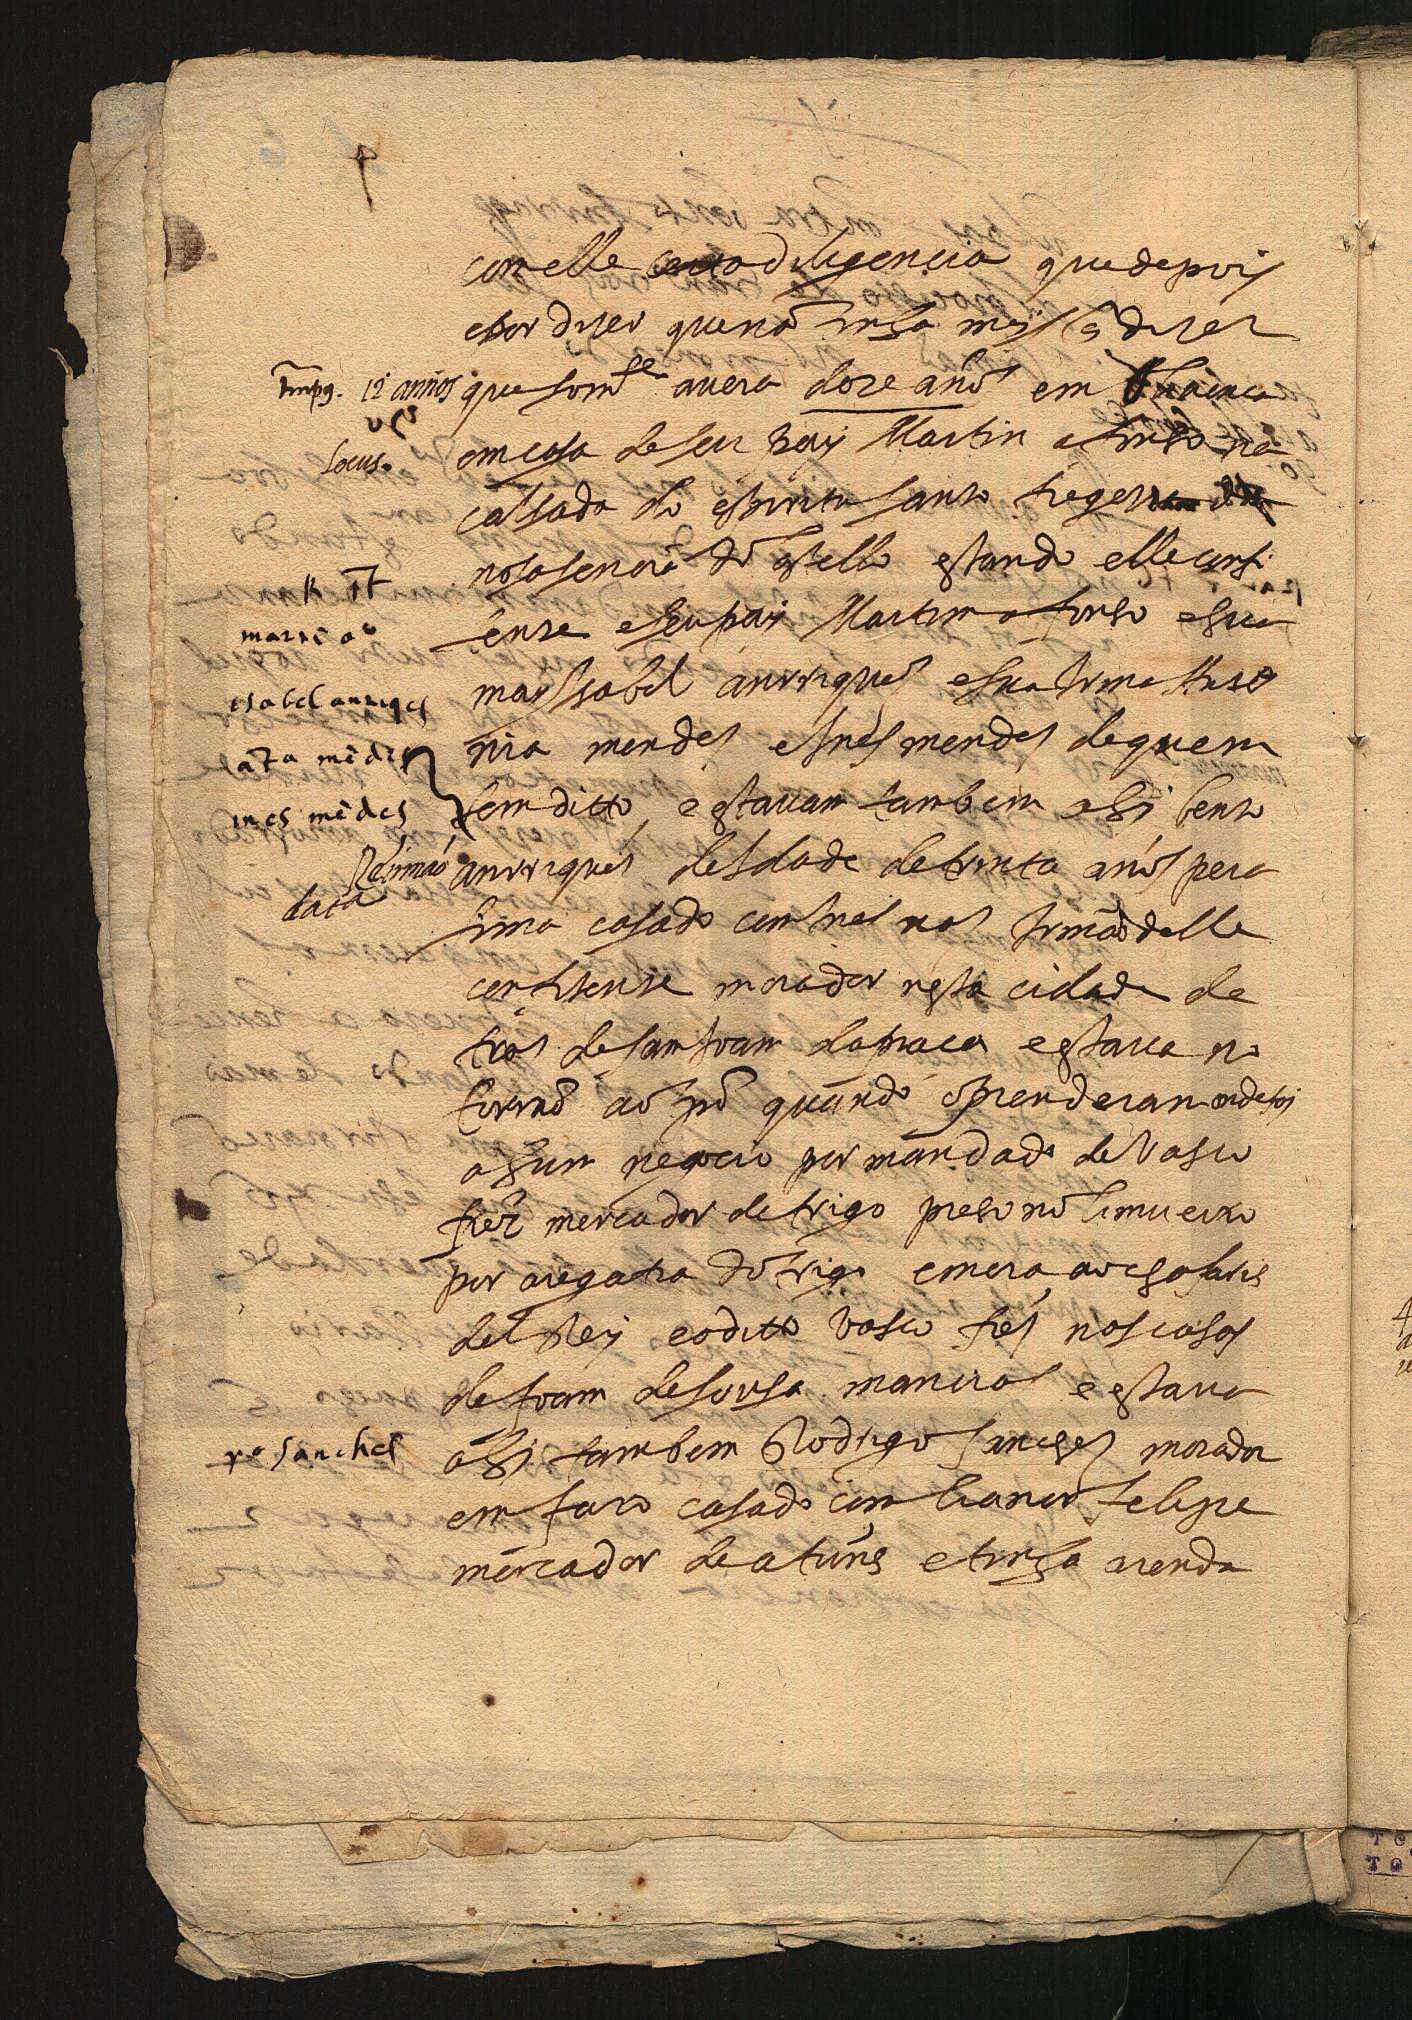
tēnpꝯ. 12 annos
Locus.
maria ao
isabel anriqes
ata mēdez
ines mēdes
Ré irmaõ
da ta
ro Sanches
com elle certa diligencia que depois
e por dizer que naõ tinha majs q̄ dizer
que somte auera doze an̄os em Oliuença
em casa de seu pay Martin afonso na
calsada do espirito santo fregezia da
nosa senor̄a do castello estando elle confi
tente e seu pay Martim afonso e sua
may Isabel anrriques e sua Irma Anto
nia mendez e Jnes mendez de quem
tem ditto, e estauam tambem ahj bento
anrriques de Idade de trinta an̄os pera
sima casado com Ines uaz Jrmão delle
confitente morador nesta cidade de
tras de sam Joam da praça e estaua no
torraõ ao tpō quando o prenderam onde foj
a hum negocio por mandado de vasco
frez̄ mercador de trigo preso no limueiro
por aregatia? do trigo e mora ao chafaris
del Rey e o dito vasco frz̄ nas casas
de foam de sousa maniras e estaua
ahj tambem Rodrigo Sanches morador
em faro casado com lianor felipe
mercador de atuns e tinha uenda
